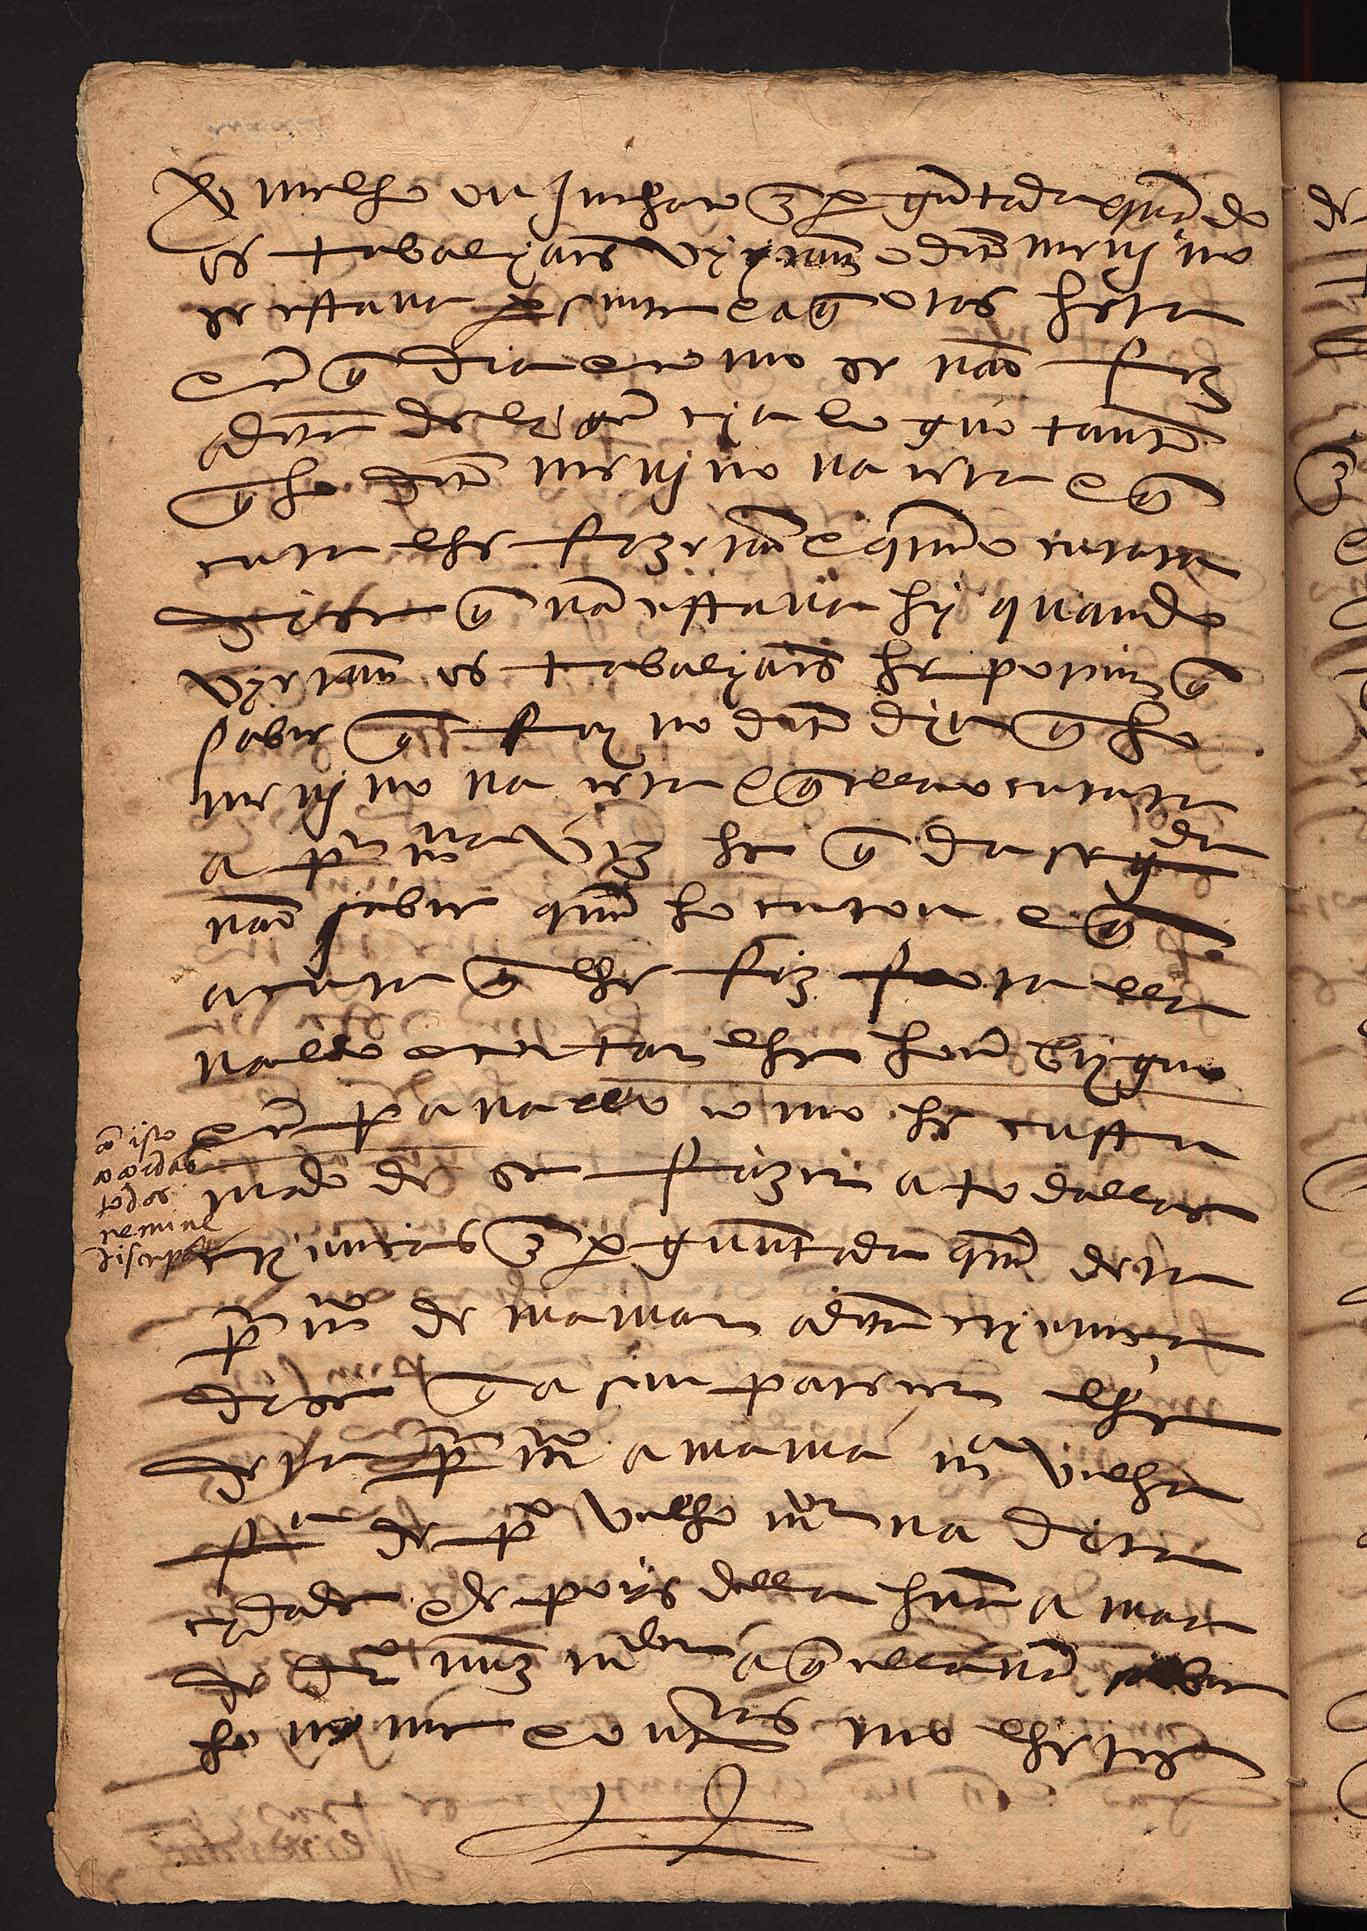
cō isto
cocordão
todos
nemine
discepāt
ꝟmelho ou Jnchaco item ꝑgūtada quādo
os tabalyaẽs vyyram o dito menjno
se estaua ꝑsemte e a q̄ oras hera
e ē q̄ dia e como se não fez
a dita delygēcya loguo tanto
q̄ ho dito menjno nacera e q̄
cura lhe fizerão e quē o curara
dise q̄ nā estaua hy quando
vyeran̄ os tabalyães he porem q̄
sabee q̄ foy no dito dya q̄ ho
menjno naçera e q̄ ella o curara
a prmra vez he q̄ da segda
não sabee quē ho curou e q̄
a cura q̄ lhe fez fora lla
uallo e cortar lhe o ēbyguo
e ēpanallo como he custu
mado de se fazer a todallas
cryencas item ꝑgun̄tada quē dera
prmro de mamar a dita cryença
dyse q̄ a seu pareçer lhe
dera prmro a mama ma velha
fa de po velho mor na dita
cydade e depoys della huā amaa
de dio nūz mdor a q̄ ella nā sabee
ho nome e outras molheres
